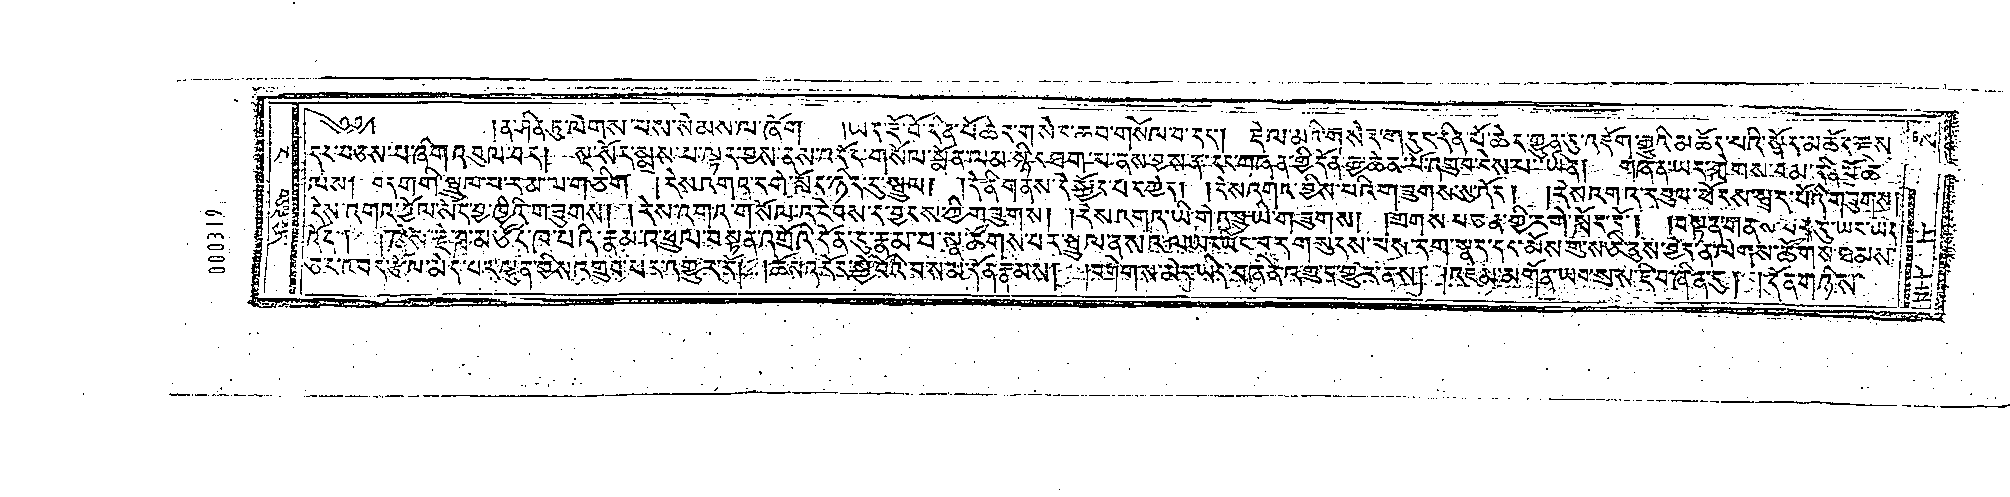༄༅། །ན་ཤིན་ཏུ་ལེགས་པས་སེམས་ལ་ཞོག །ཡང་ཇོ་བོ་རིན་པོ་ཆེར་གསེར་ཆབ་གསོལ་བ་དང་། རྗེ་བླ་མའི་གསེར་གདུང་རིན་པོ་ཆེར་རྒྱུན་དུ་འཇོག་རྒྱུའི་མཆོད་པའི་སྣོད་མཆོད་རྫས་
དང་བཅས་པ་ཞིག་འབུལ་བར། སྔ་སོར་སྨྲས་པ་ལྟར་བྱས་ནས་འདོད་གསོལ་སྨོན་ལམ་སྙིང་ཐག་པ་ནས་བྱས་ན་རང་གཞན་གྱི་དོན་རྒྱ་ཆེན་པོ་འགྲུབ་ངེས་པ་ཡིན། གཞན་ཡང་གླེགས་བམ་རིན་པོ་ཆེ་
ལས། བདག་གི་སྤྲུལ་པ་རམ་ལ་གཅིག །ངེས་འགའ་དགེ་སློང་ཉིད་དུ་སྤྲུལ། །དེ་ནི་གནས་དེ་སྐྱོང་པར་བྱེད། །དེས་འགའ་བྱིས་པའི་གཟུགས་སུ་འོང་། །རེས་འགའ་དབུལ་ཕོངས་སྤྲད་པོའི་གཟུགས།
རེས་འགའ་བྱོལ་སེང་བྱ་ཁྱིའི་གཟུགས། །རེས་འགའ་གསོལ་འདེབས་དབྱངས་ཀྱི་གཟུགས། །རེས་འགའ་ཡི་གེ་འབྲུ་ཡི་གཟུགས། །གྲགས་པ་ཅན་གྱི་དགེ་སློང་ངོ། །བསྟན་གནས་པར་དུ་ཡང་ཡང་
འོད། །ཞེས་རྗེ་བླ་མ་ཙོང་ཁ་པའི་རྣམ་འཕྲུལ་བསྟན་འགྲོའི་དོན་དུ་རྣམ་པ་སྣ་ཚོགས་པར་སྦྲུལ་ནས་ལ་ལ་ཡང་ཡོད་བར་གསུངས་པས་དག་སྣང་དང་མོས་གུ་ས་ཅི་ནུས་བྱེད་ན་ལེགས་ཚོགས་ཐམས་
ཅད་འབད་རྩོལ་མེད་པར་ལྷུན་གྱིས་འགྲུབ་པར་འགྱུར་རོ། །ཆོས་འདོད་སྐྱེ་བོའི་བསམ་དོན་རྣམས། །བགེགས་མེད་ཡིད་བཞིན་འགྲུབ་བ་རྒྱུར་ནས། །འཇམ་མགོན་ཡབ་སྲས་ཇི་བཞིན་དུ། །དོན་གཉིས་